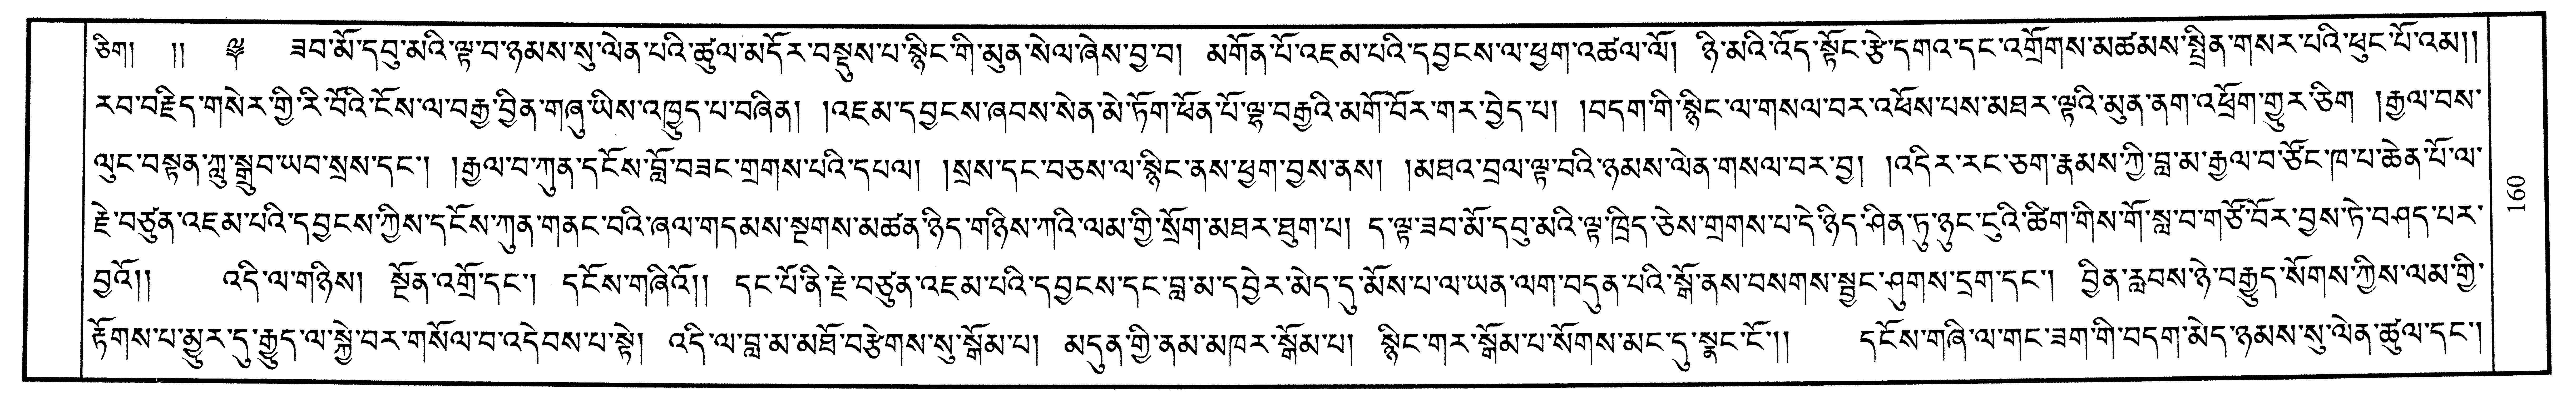ཅིག། །། ༈ ཟབ་མོ་དབུ་མའི་ལྟ་བ་ཉམས་སུ་ལེན་པའི་ཚུལ་མདོར་བསྡུས་པ་སྙིང་གི་མུན་སེལ་ཞེས་བྱ་བ། མགོན་པོ་འཇམ་པའི་དབྱངས་ལ་ཕྱག་འཚལ་ལོ། ཉི་མའི་འོད་སྟོང་རྩེ་དགའ་དང་འགྲོགས་མཚམས་སྤྲིན་གསར་པའི་ཕུང་པོ་འམ།།
རབ་བརྗིད་གསེར་གྱི་རི་བོའི་ངོས་ལ་བརྒྱ་བྱིན་གཞུ་ཡིས་འཁྱུད་པ་བཞིན། །འཇམ་དབྱངས་ཞབས་སེན་མེ་ཏོག་ཕོན་པོ་ལྷ་བརྒྱའི་མགོ་བོར་གར་བྱེད་པ། །བདག་གི་སྙིང་ལ་གསལ་བར་འཕོས་པས་མཐར་ལྟའི་མུན་ནག་འཕྲོག་གྱུར་ཅིག །རྒྱལ་བས་
ལུང་བསྟན་ཀླུ་སྒྲུབ་ཡབ་སྲས་དང་། །རྒྱལ་བ་ཀུན་དངོས་བློ་བཟང་གྲགས་པའི་དཔལ། །སྲས་དང་བཅས་ལ་སྙིང་ནས་ཕྱག་བྱས་ནས། །མཐའ་བྲལ་ལྟ་བའི་ཉམས་ལེན་གསལ་བར་བྱ། །འདིར་རང་ཅག་རྣམས་ཀྱི་བླ་མ་རྒྱལ་བ་ཙོང་ཁ་པ་ཆེན་པོ་ལ་
རྗེ་བཙུན་འཇམ་པའི་དབྱངས་ཀྱིས་དངོས་ཀུན་གནང་བའི་ཞལ་གདམས་སྔགས་མཚན་ཉིད་གཉིས་ཀའི་ལམ་གྱི་སྲོག་མཐར་ཐུག་པ། ད་ལྟ་ཟབ་མོ་དབུ་མའི་ལྟ་ཁྲིད་ཅེས་གྲགས་པ་དེ་ཉིད་ཤིན་ཏུ་ཉུང་ངུའི་ཚིག་གིས་གོ་སླ་བ་གཙོ་བོར་བྱས་ཏེ་བཤད་པར་
བྱའོ།། འདི་ལ་གཉིས། སྔོན་འགྲོ་དང་། དངོས་གཞིའོ།། དང་པོ་ནི་རྗེ་བཙུན་འཇམ་པའི་དབྱངས་དང་བླ་མ་དབྱེར་མེད་དུ་མོས་པ་ལ་ཡན་ལག་བདུན་པའི་སྒོ་ནས་བསགས་སྦྱང་ཤུགས་དྲག་དང་། བྱིན་རླབས་ཉེ་བརྒྱུད་སོགས་ཀྱིས་ལམ་གྱི་
རྟོགས་པ་མྱུར་དུ་རྒྱུད་ལ་སྐྱེ་བར་གསོལ་བ་འདེབས་པ་སྟེ། འདི་ལ་བླ་མ་མཐོ་བརྩེགས་སུ་སྒོམ་པ། མདུན་གྱི་ནམ་མཁར་སྒོམ་པ། སྙིང་གར་སྒོམ་པ་སོགས་མང་དུ་སྣང་ངོ།། དངོས་གཞི་ལ་གང་ཟག་གི་བདག་མེད་ཉམས་སུ་ལེན་ཚུལ་དང་།